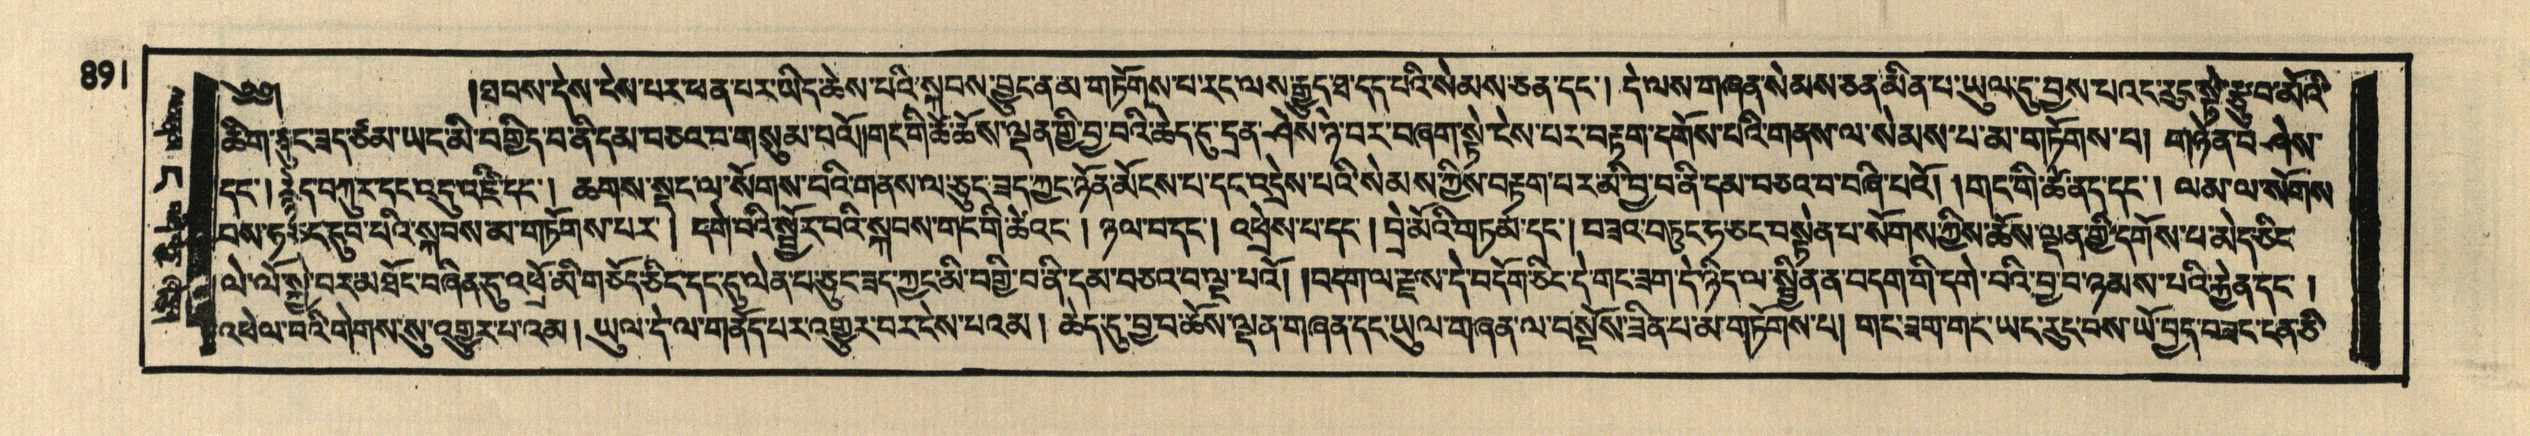༄༅། །ཐབས་དེས་ངེས་པར་ཕན་པར་ཡིད་ཆེས་པའི་སྐབས་བྱུང་ན་མ་གཏོགས་པ་རང་ལས་རྒྱུད་ཐ་དད་པའི་སེམས་ཅན་དང་། དེ་ལས་གཞན་སེམས་ཅན་མིན་པ་ཡུལ་དུ་བྱས་པའང་རུང་སྟེ་རྩུབ་མོའི་
ཆིག་ཅུང་ཟད་ཙམ་ཡང་མི་བགྱིད་བ་ནི་དམ་བཅའ་བ་གསུམ་པའོ། །གང་གི་ཚེ་ཆོས་ལྡན་གྱི་བྱ་བའི་ཆེད་དུ་དྲན་ཤེས་ཉེ་བར་བཞག་སྟེ་ངེས་པར་བརྟག་དགོས་པའི་གནས་ལ་སེམས་པ་མ་གཏོགས་པ། གཉེན་བཤེས་
དང་། རྙེད་བཀུར་དང་འདུ་འཛི་དང་། ཆགས་སྡང་ལ་སོགས་བའི་གནས་ལ་ཅུང་ཟད་ཀྱང་ཉོན་མོངས་པ་དང་འདྲེས་པའི་སེམས་ཀྱིས་བརྟག་པར་མི་བྱ་བ་ནི་དམ་བཅའ་བ་བཞི་པའོ། །གང་གི་ཚེ་ནད་དང་། ལམ་ལ་སོགས་
བས་ཧ་ཅང་དུབ་པའི་སྐབས་མ་གཏོགས་པར། དགེ་བའི་སྦྱོར་བའི་སྐབས་གང་གི་ཚེའང་།ཉལ་བ་དང་། འཕྲེས་པ་དང་། བྲེ་མོའི་གཏམ་དང་། བཟའ་བཏུང་ཧ་ཅང་བསྟེན་པ་སོགས་ཀྱིས་ཆོས་ལྡན་གྱི་དགོས་པ་མེད་ཅིང་
ལེ་ལོ་སྐྱེ་བར་མཐོང་བཞིན་དུ་འཕྲོ་མི་གཅོད་ཅིང་དང་དུ་ལེན་པ་ཅུང་ཟད་ཀྱང་མི་བགྱི་བ་ནི་དམ་བཅའ་བ་ལྔ་པའོ། །བདག་ལ་རྫས་དེ་བདོག་ཅིང་དེ་གང་ཟག་དེ་ཉིད་ལ་སྦྱིན་ན་བདག་གི་དགེ་བའི་བྱ་བ་ཉམས་པའི་རྐྱེན་དང་།
འཕེལ་བའི་གེགས་སུ་འགྱུར་པ་འམ། ཡུལ་དེ་ལ་གནོད་པར་འགྱུར་བར་ངེས་པའམ། ཆེད་དུ་བྱ་བ་ཆོས་ལྡན་གཞན་དང་ཡུལ་གཞན་ལ་བསྔོས་ཟིན་པ་མ་གཏོགས་པ། གང་ཟག་གང་ཡང་རུང་བས་ཡོ་བྱད་བཟང་ངན་ཅི་